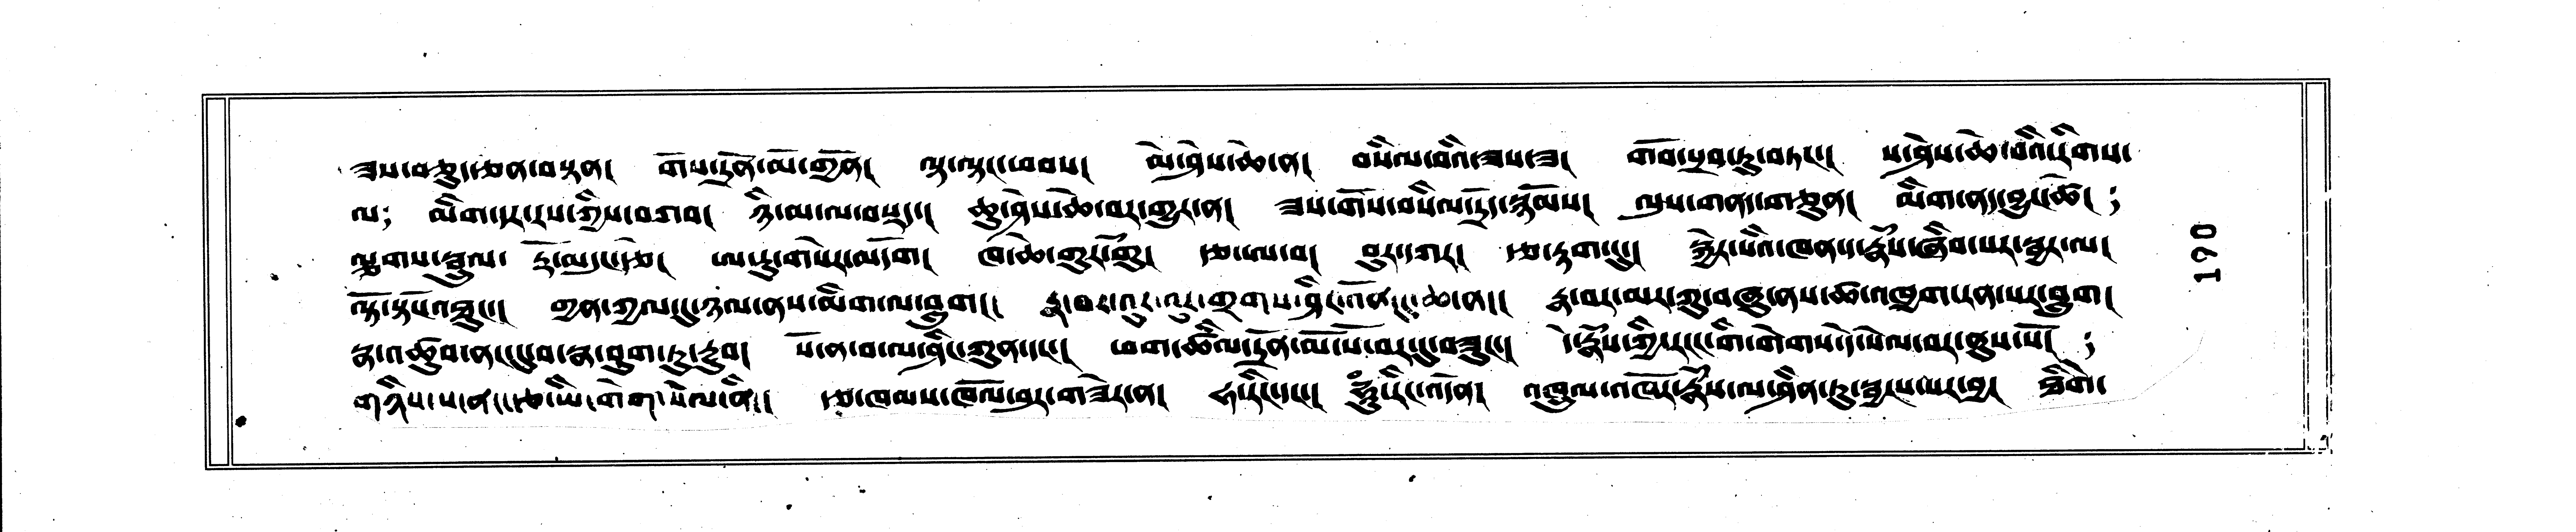ཟས་བཅུད་ཅན་བསྟེན། གོས་དྲོན་མོ་གྱོན། ལྟ་སྟངས་ཕབ། མེ་ཤས་ཆེ་ན། བསིལ་བའི་ཟས་ཟ། གོས་སྲབ་ཏུ་བཏང་། ས་ཤས་ཆེ་བའི་རིགས་
ལ། མིག་དར་རས་ཀྱིས་བཀབ། ཉི་མ་ལ་བསྡད། ཆུ་ཤས་ཆེ་བར་གྱུར་ན། ཟས་གོས་བསིལ་དྲོད་སྙོམས། ལུས་གནད་གཅུན། མིག་ནད་བྱུང་ཚེ་
ལྕགས་སྦྲུལ་རྡོ་མདུང་རྩེ་ཨ་རུ་གསེར་མདོག་ཁ་ཆེ་གུར་གུམ་རྩ་ཨ་བ་བུར་དཀར་རྩ་རྟག་ངུ་སྐྱེར་པའི་མཁན་རྣམས་ཞིབ་པར་སྦྱར་ལ།
 ལྟོ་སྟོང་འཐུང་། གན་རྐྱལ་དུ་ཉལ་ནས་མིག་ལ་བྱུག རྣ་བར་འུར་འུར་གྲག་ཅིག་འོན་དུ་ཆ་ན། རྣ་བར་མར་ཁུ་བཞུ་ནས་ཚ་འཁྱག་རན་པར་བླུག 
སྣ་འཚུབ་ནང་དུ་བ་སྣ་བུག་ཏུ་རྔུབ། སོ་ན་བ་ལ་ཤིང་ཀུན་དང་། ཕག་ཚིལ་དྲོན་མོ་སོ་བར་དུ་བཟུང་། དེ་རྣམས་ཀྱིས་རང་རང་གི་གེག་དེ་སེལ་བར་ནུས་སོ། །
གཉིས་པ་ནང་རྩ་ཡི་གེག་ནི། རྩ་ཁམས་ཁོལ་བུར་གཟེར་ན། ཧ་རིང་དང་། ཧཱུཾ་རིང་འདོན། འཁྲུལ་འཁོར་རྣམས་ལ་ཤིན་ཏུ་སྦྱངས་པར་བྱ། ཐིག་ལེ་